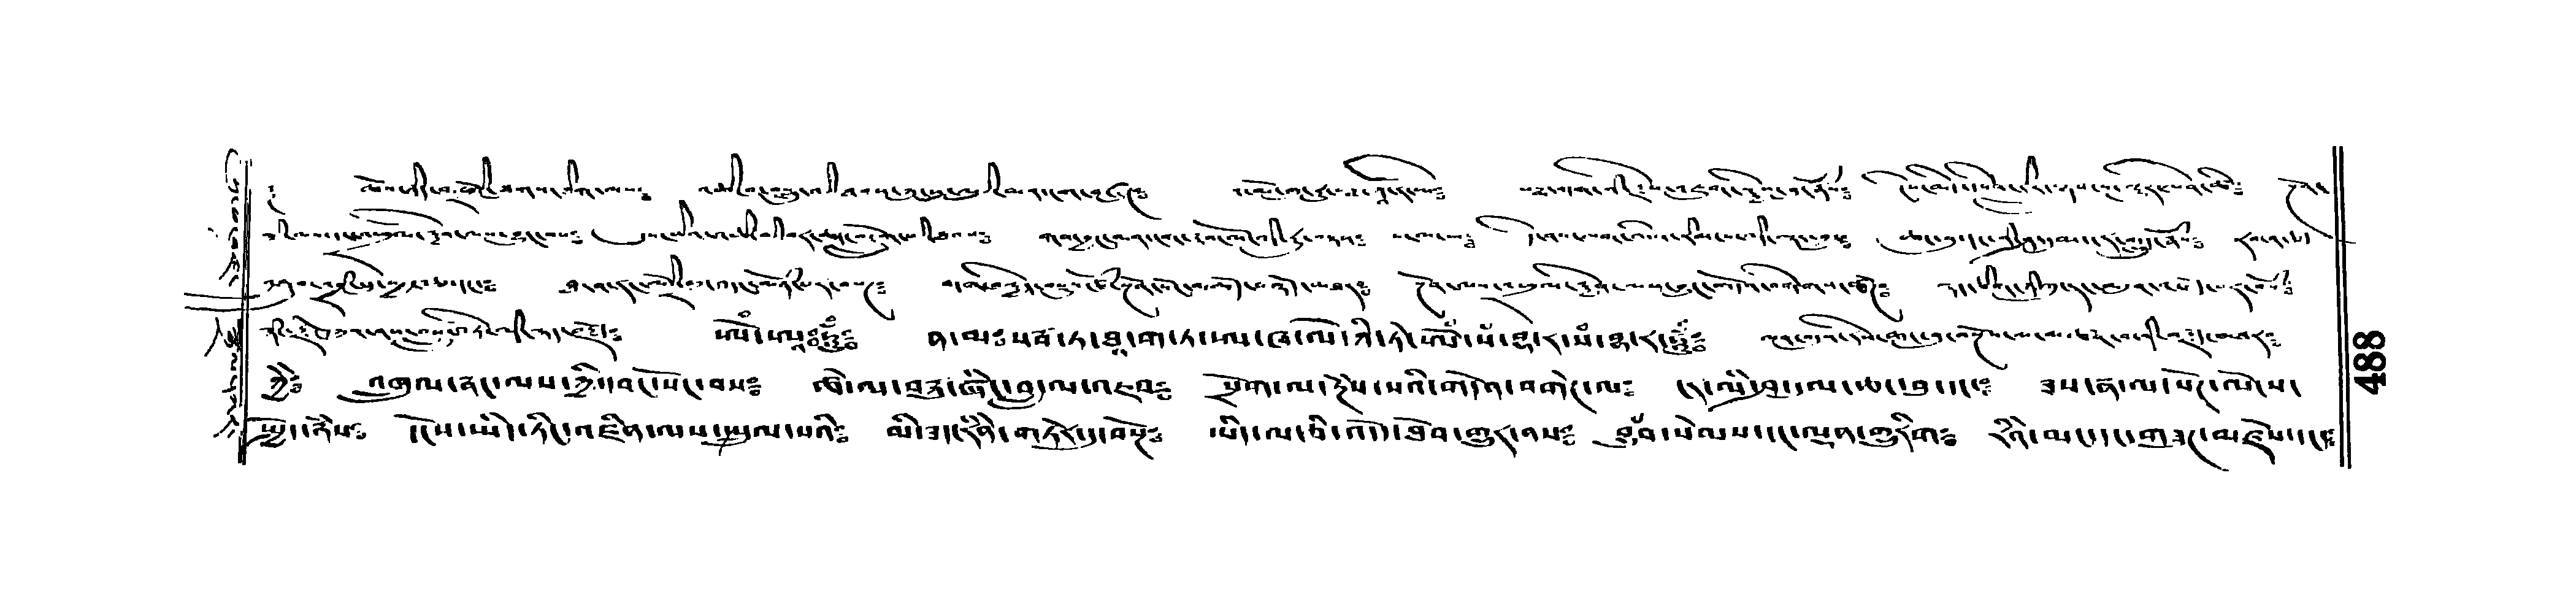ཆོས་ཉིད་མཁའ་འགྲོའི་ཐུགས་ཐིག་ལས༔ འཆི་བ་བསླུ་བའི་ཐབས་ཀུ་སུ་ལུའི་མན་ངག་བཞུགས༔ ན་མོ་གུ་རུ་པདྨ་ཀཱ་ར་ཡེ༔ པདྨ་བདག་གི་རྗེས་འཇུག་སྐྱེས་བུ་རྣམས༔ ངེས་མེད་དབེན་རིར་སྒྲུབ་པ་ལྷུར་ལེན་ཚེ༔ སྔོན་
གྱི་ལས་དང་འཕྲལ་སྐྱེན་ལས་བྱུང་བས༔ དུས་ཡིན་འཆི་བའི་བར་ཆད་བཟློག་པའི་ཐབས༔ གསང་བྱང་མན་ངག་ཟབ་མོ་འདི་རུ་བསྟན༔ ས་མ་ཡ༔ དེ་ནས་ལག་ལེན་རིམ་པ་འདི་ལྡན་བྱ༔ ཆང་བུ་དང་ནི་ཤ་དུམ་ངར་གླུད་རྣམས༔ རབ་ན་ཅི་
འགྲུབ་འབྲིང་དུ་བརྒྱ་རྩ་དང༔ ཐ་ན་རང་ལོའི་གྲངས་དང་མཉམ་པར་བསགས༔ བདག་བསྐྱེད་བསྡུས་ཙམ་སྔོན་སོང་མཆོད་བསྟོད་མཐར༔ སྔོན་ལས་འཕྲལ་རྐྱེན་ལས་བྱུང་གདོན་བགེགས་ཚོགས༔ སྐད་ཅིག་ཉིད་དུ་རང་མདུན་འཁོད་པར་བསམ༔ 
སྙིང་རྗེས་ཀུན་ནས་བསླངས་ཏེ་འདི་སྐད་བརྗོད༔ ཨོཾ་ཨཱཿཧཱུྃ༔ ན་མཿསརྦ་ཏ་ཐཱ་ག་ཏ་ཨ་ཝ་ལོ་ཀི་ཏེ་ཨོཾ་སཾ་བྷ་ར་སཾ་བྷ་ར་ཧཱུྃ༔ ལན་བདུན་རེས་ཆང་བུ་བསྔོས་ལ་མཚན་བཞིན་བརྗོད་མཐར༔ 
ཀྱཻ༔ འཁྲུལ་སྣང་ལས་ཀྱི་དབང་སོང་བས༔ ཚེ་ལ་བརྐུ་ཞིང་བླ་ལ་འཇབ༔ སྲོག་ལ་རྔམས་པའི་གདོན་བགེགས་ལ༔ ངར་མི་ཤ་དུམ་ཆང་བུ་དང༔ ཟས་སྣ་ལ་སོགས་ལོངས་
སྤྱོད་རྣམས༔ དངོས་ཡིད་ཏིང་འཛིན་ལས་སྤྲུལ་པའི༔ མི་ཟད་རིན་ཆེན་གཏེར་དུ་བསྔོ༔ ཡིད་ལ་ཅི་འདོད་ཐོབ་གྱུར་ནས༔ བྱང་ཆུབ་སེམས་དང་ལྡན་གྱུར་ཅིག༔ རིན་ཆེན་མང་དང་གཟུགས་མཛེས་དང༔